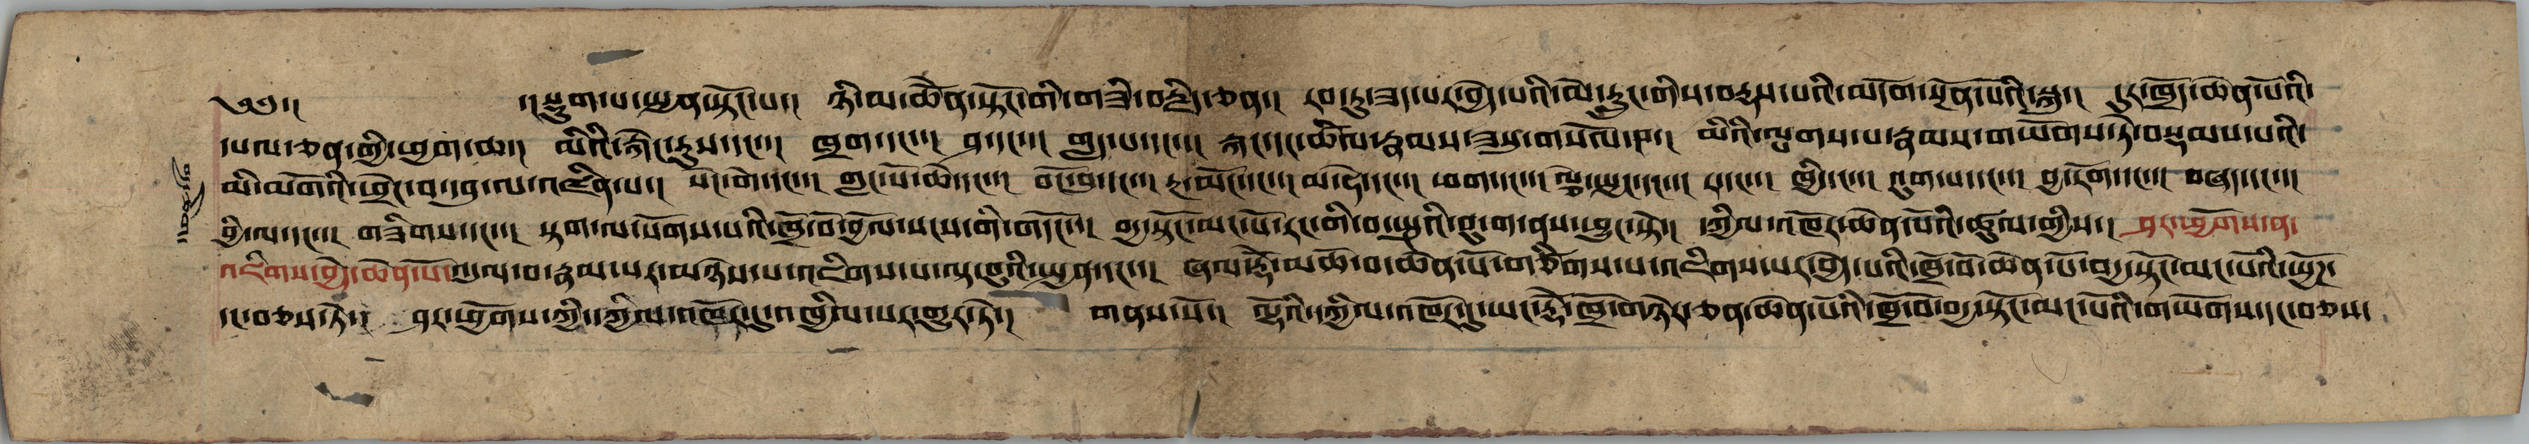༄༅་། ་།སྡུག་པ་སྤྱན་སྟོང་པ་། ཉི་མ་ཆེནོ་སྟོང་གི་གཟི་བརྗིད་ཅན་། རབ་ཏུ་ཟད་པར་བྱེད་པའི་མེ་རླུང་གིས་བརྡས་པའི་མདོག་སྔོན་པོའི་སྐུ་། དུར་ཁྲོད་ཆེན་པོའི་
དཔལ་ཅན་གྱི་ཕྱག་ཆ་། མིའི་རྐེང་རུས་དང་་། ཁྲག་དང་། ཤ་དང་་། གླད་པ་དང་་། རྐང་དང་ཚིལ་རྣམས་ཟསུ་གསོལ་བ་། མིའི་ལྤགས་པ་རྣམས་གཡོགས་ཏེ་བསྡམས་པའི་
མི་མགོའི་ཕྲེང་བ་དབུ་ལ་འཛིན་པ་། སེང་གེ་དང་་། གླང་པོ་ཆེ་དང་་། བོང་བུ་དང་་། རྔ་མོང་དང་་། མ་ཧེ་དང་། ཕག་དང་་། ལྕེ་སྤྱང་དང་་། ར་དང་་། ཁྱི་དང་་། འུག་པ་དང་་། བྱ་རོག་དང་་། བཞད་དང་་།
བྱི་ལ་དང་་། གཟིགས་དང་་། སྟག་ལ་སོགས་པའི་ཁྲོ་བོ་བྱོལ་སངས་གི་གདོང་་། བདྱ་སྟོང་མང་པོ་རང་གི་བ་སྤུའི་བུ་ག་ནས་ཕྱུང་སྟེ་། དཀྱིལ་འཁོར་ཆེན་པོའི་ཚུལ་གྱིས་། ཤར་ཕྱོགས་ན་
འཇིགས་བྱེད་ཆེན་པོ་འདུལ་བ་རྣམ་པར་མཉེས་པ་འཇིགས་པ་ལྟ་བུའི་སྤྱན་དང་་། ཞལ་རྡོེ་མཆེ་བ་ཆེན་པོ་གཙིགས་པ་འཇིགས་པར་བྱེད་པའི་ཁྲོ་བོ་ཆེན་པོ་བདྱ་སྟོང་མང་པོའི་ཡྱོཌ་
དང་བཅས་ཏེ་། ཤར་ཕྱོགས་ཀྱི་དཀྱིལ་འཁོར་དུ་འཁྱིལ་པར་གྱུར་ཏེ་། གནས་སོ་། ལྷོའི་དཀྱིལ་འཁོར་དུ་ཡང་རྡོེ་ཁྲོ་གཉེར་ཅན་ཆེན་པོའི་ཁྲོ་བོ་བདྱ་སྟོང་མང་པོའི་གཡོགས་དང་བཅས་